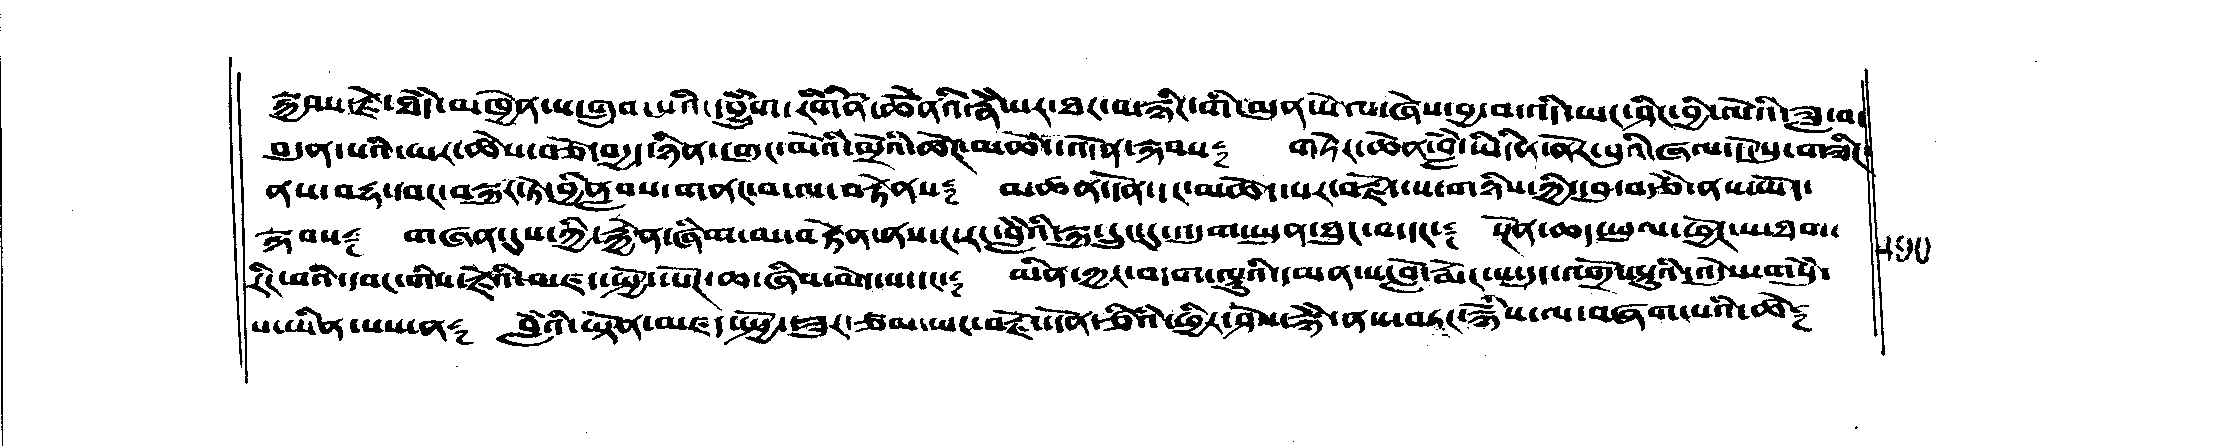སྐྱབས་རྗེ་ཐམས་ཅད་མཁྱེན་པ་གྲུབ་པའི་དབང་ཕྱུག་རིག་འཛིན་ཆེན་པོའི་རྣམ་པར་ཐར་པ་སྙིང་གི་མུན་སེལ་ཞེས་བྱ་བ་འདི་ཡང་ཤིང་བྱི་ལོའི་ཟླ་བ་
བདུན་པའི་ཡར་ཚེས་བཅོ་བརྒྱད་ཉིན་དགུང་མོའི་མཁའ་འགྲོའི་ཚོགས་མཆོད་འདོན་སྐབས། གཏེར་ཆེན་བླ་མ་ཡིད་བཞིན་ནོར་བུའི་ཞལ་དངོས་སུ་གཟིགས་
ནས་བརྡ་དབང་བསྐུར་ཏེ་བྱིན་རླབས་གནང་བ་ལ་བརྟེན་ནས། མཚན་དོན་དང་མཆོད་པར་བརྗོད་པ་གཉིས་ཀྱི་དབུ་བརྩམ་ནས་ཡོད་
སྐབས།གཞན་དུས་ཀྱི་རྐྱེན་ཞིག་ལ་བརྟེན་ནས་ང་རང་བླ་མའི་སྐུ་དྲུང་དུ་འདུག་ཡུན་ཐུང་བ་དང་། སྔོན་ཆད་ཡུལ་ཕྱོགས་ས་ཐག་
རིང་བའི་དབང་གིས་རྗེའི་མཛད་སྤྱོད་སོགས་ཆ་ཞིབ་མེད་པ་དང་། མིན་ཀྱང་བདག་ལྟ་བུའི་དམན་པ་བློ་རྨོངས་པ་དུད་འགྲོ་ལྟ་བུའི་འདུ་ཤེས་གསུམ་
པ་ཡིན་པས་ན། བླ་མའི་ཡོན་ཏན་མཛད་སྤྱོད་ཟུར་ཙམ་ཡང་བརྗོད་དོན་ཅིའི་ཕྱིར་ཤེས་སྙམ་ནས་བཏང་སྙོམས་ལ་བཞག་པའི་ཚེ།